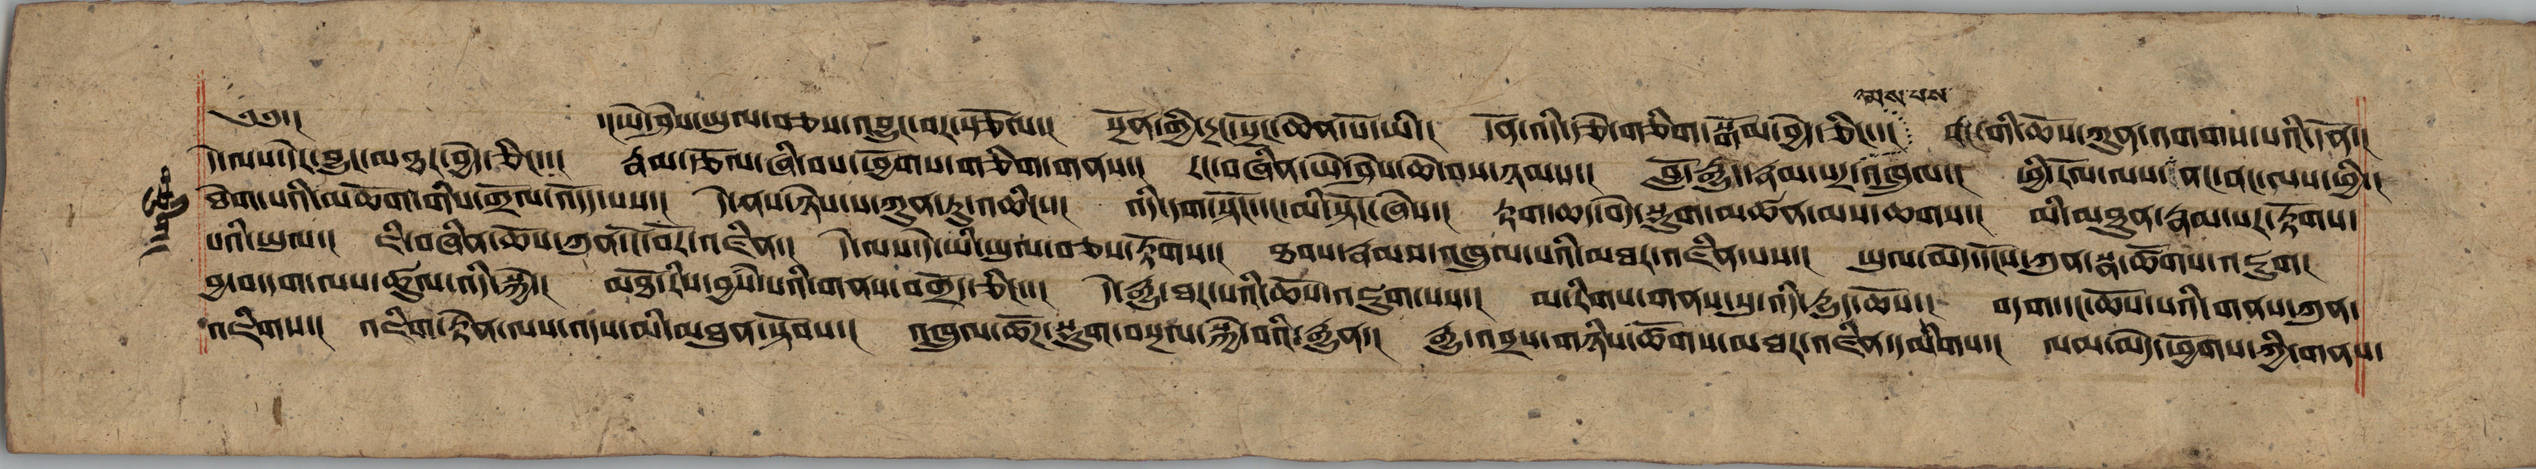༄༅་། ་།ཡེ་ཤེས་ཡུལ་བཅས་འབྱུང་བར་རྩོལ་། སྔོན་གྱི་དྲང་སྲོང་ཆེན་པོ་ཡི་། དོན་འདི་རྩེ་གཅིག་སྒོམ་བྱེད་ཅིང་་། རང་གི་ཆོས་ཀུན་འགགས་པའི་དོན་།
དེ་ལས་དེར་བྱུང་མཐར་བྱེད་ཅིང་་། རྣམ་རྩོལ་ཞི་བས་ཕྱོགས་གཅིག་གནས་། རང་བཞིན་ཡེ་ཤེས་ཆེ་བས་ཉམས་། བློ་རྒྱུད་རྣམ་པར་འཁྲུལ་། ཕྱི་རོལ་ལས་ནང་ནང་ལས་ཕྱི་།
ཐེག་པའི་མཆོག་གིས་གྲོལ་འདོད་པས་། དེ་ནས་ཉེས་པ་ཀུན་ཏུ་འཆིངས་། འདི་དག་སྟོང་དང་མི་སྟོང་ཞེས་། རྟག་ཆད་བདེ་སྡུག་མཚན་མས་ཆགས་། མི་མཐུན་རྣམ་པར་རྟོགས་
པའི་ཡུལ་། ཇི་བཞིན་ཆོས་ཀུན་ངོ་བོར་འཛིན་། དེ་ལས་དེ་ཡི་ཡུལ་བཅས་རྟོགས་། ཐབས་རྣམས་འཁྲུལ་པའི་མཐར་འཛིན་པས་། ཡུལ་མེད་དངོས་ཀུན་སྣ་ཚོགས་འཇུག།
བྱ་བ་དག་ལས་ཚུལ་འདི་སྐྱེ་། མཐོ་རིས་བྱཾས་པའི་གནས་བགྲོད་ཅིང་། དེ་རྒྱུ་ཐར་པའི་ཆོས་འཇུག་པས་། མ་རིགས་གནས་སུ་འདི་རྱུད་ཆོས་། བདག་དང་ཆོས་པའི་གནས་ཀུན་
འཇིགས་། འཇིག་རྟེན་ལས་འདས་མི་མཐུན་སྟོབས་། འཁྲུལ་ཚོཌ་སྡུག་བསྔལ་སྐྱེ་བའི་རྒྱུན་། རྒྱུ་འབྲས་གཉིས་ཚོགས་མཐར་འཛིན་དམིགས་། ལམ་མེད་ཕྱོགས་ཀྱི་གནས་